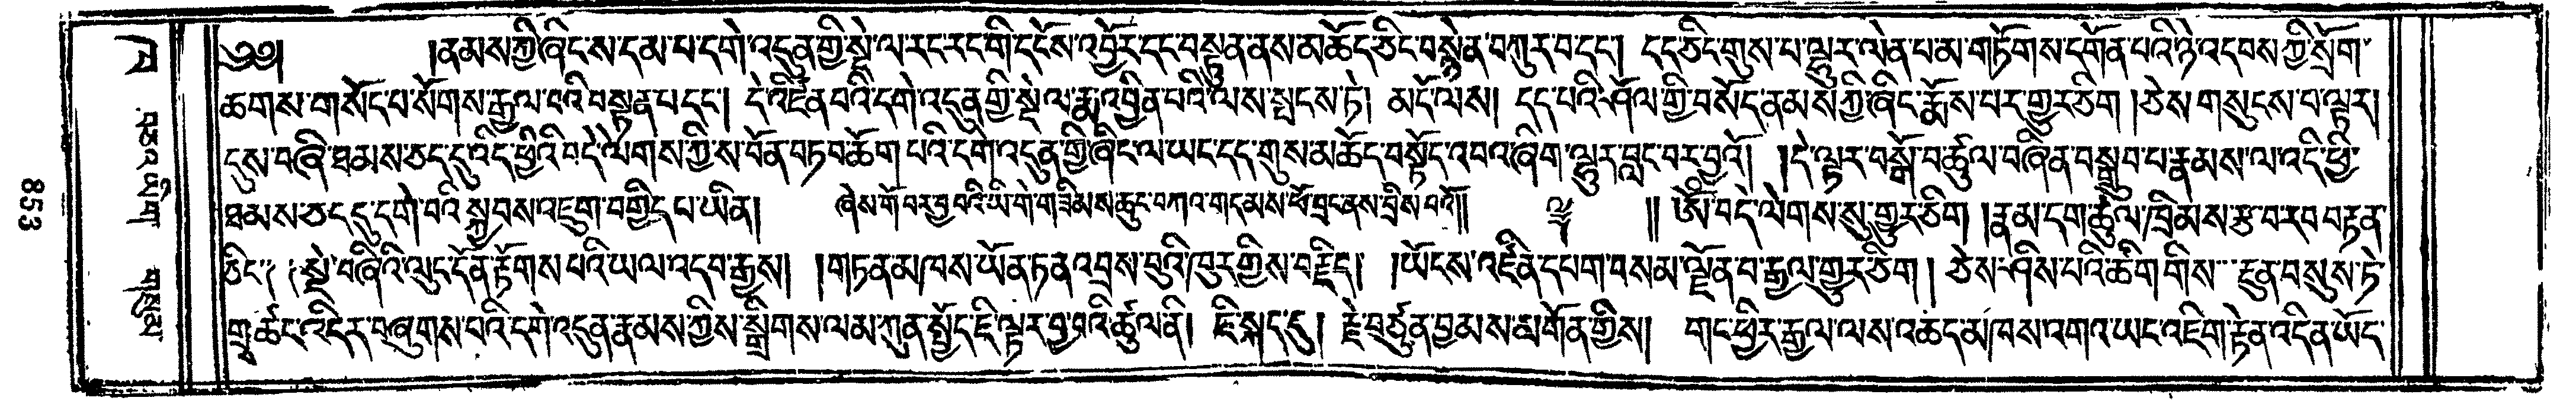༄༅། །ནམས་ཀྱི་ཞིང་ས་དམ་པ་དགེ་འདུན་གྱི་སྡེ་ལ་རང་རང་གི་དངོས་འབྱོར་དང་བསྟུན་ནས་མཆོད་ཅིང་བསྙེན་བཀུར་བ་དང་། དད་ཅིང་གུས་པ་ལྷུར་ལེན་པ་མ་གཏོགས་དགོན་པའི་ཉེ་འདབས་ཀྱི་སྲོག་
ཆགས་གསོད་པ་སོགས་རྒྱལ་བའི་བསྟན་པ་དང་། དེ་འཛིན་པའི་དགེ་འདུན་གྱི་སྡེ་ལ་རྨ་འབྱིན་པའི་ལས་སྤངས་ཏེ། མདོ་ལས། དད་པའི་ཤོལ་གྱི་བསོད་ནམས་ཀྱི་ཞིང་རྨོས་པར་གྱུར་ཅིག །ཅེས་གསུངས་བ་ལྟར།
དུས་བཞི་ཐམས་ཅད་དུ་འདི་ཕྱིའི་བདེ་ལེགས་ཀྱི་ས་བོན་བཏབ་ཆོག་པའི་དགེ་འདུན་གྱི་ཞིང་ལ་ཡང་དད་གུས་མཆོད་བསྟོད་འབའ་ཞིག་ལྷུར་བླང་བར་བྱའོ། །དེ་ལྟར་བསྒོ་བ་ཚུལ་བཞིན་བསྒྲུབ་པ་རྣམས་ལ་འདི་ཕྱི་
ཐམས་ཅད་དུ་དགེ་བའི་སྐྱབས་འཇུག་བགྱིད་པ་ཡིན། ཞེས་གོ་བར་བྱ་བའི་ཡི་གེ་གཟིམས་ཆུང་བཀའ་གདམས་ཕོ་བྲང་ནས་བྲིས་བའོ།། ༈ །།ཨོཾ་བདེ་ལེགས་སུ་གྱུར་ཅིག །རྣམ་དག་ཚུལ་ཁྲིམས་རྩ་བ་རབ་བརྟན་
ཅིང༑ ༑སྔེ་བཞིའི་ལུང་དོན་རྟོགས་པའི་ཡལ་འདབ་རྒྱས། །གཏན་མཁས་ཡོན་ཏན་འབྲས་བུའི་ཁུར་གྱིས་བརྗིད། །ཡོངས་འཛིན་དཔག་བསམ་ལྗོན་པ་རྒྱལ་གྱུར་ཅིག། ཅེས་ཤིས་པའི་ཚིག་གིས་རྡུན་བསུས་ཏེ་
གྲྭ་ཚང་འདིར་བཞུགས་པའི་དགེ་འདུན་རྣམས་ཀྱིས་སྒྲིགས་ལམ་ཀུན་སྤྱོད་ཇི་ལྟར་བྱ་བའི་ཚུལ་ནི། ཇི་སྐད་དུ། རྗེ་བཙུན་བྱམས་མགོན་གྱིས། གང་ཕྱིར་རྒྱལ་ལས་འཆད་མཁས་འགའ་ཡང་འཇིག་རྟེན་འདིན་ཡོད་